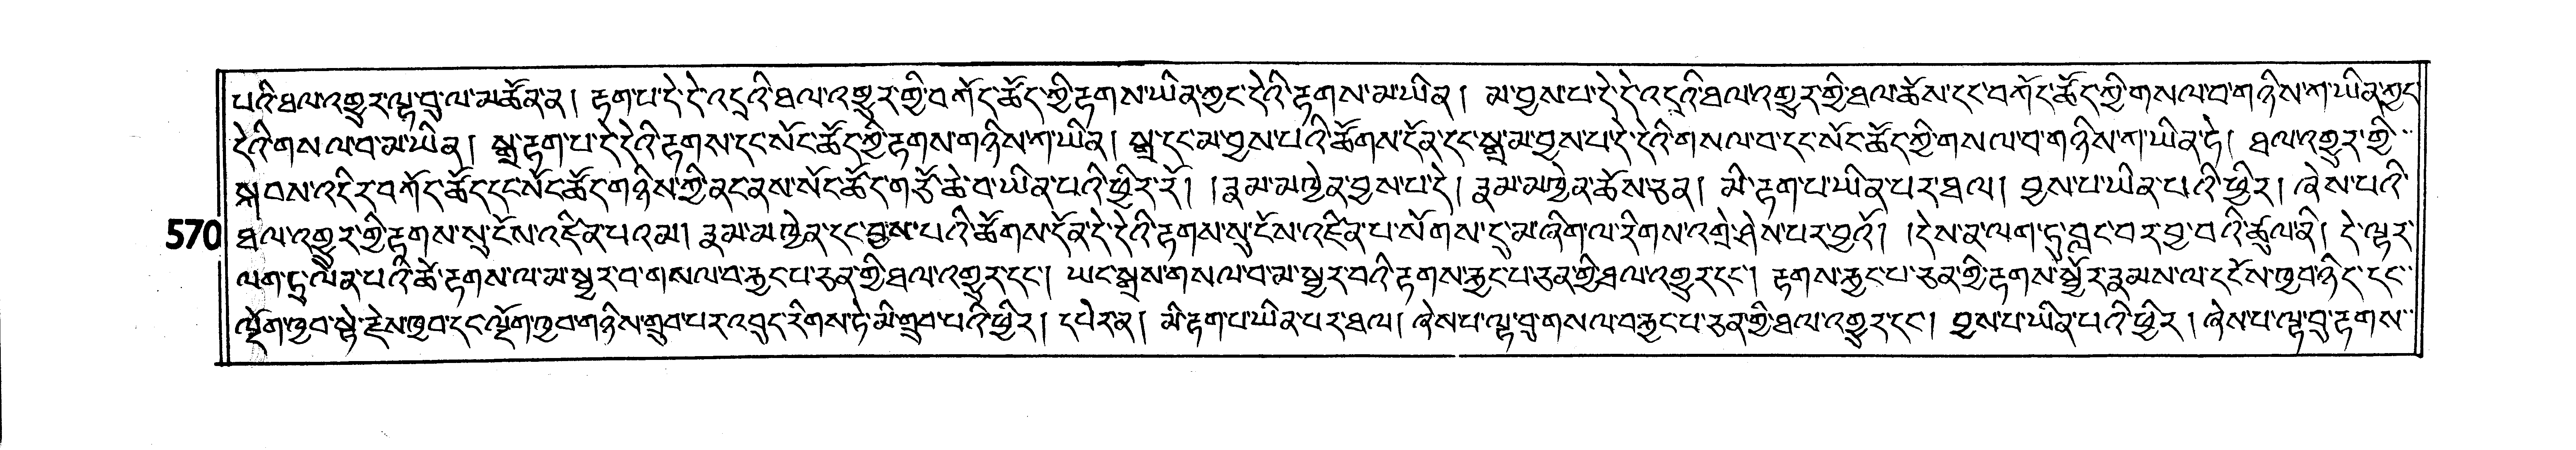པའི་ཐལ་འགྱུར་ལྟ་བུ་ལ་མཚོན་ན། རྟག་པ་དེ་དེ་འདྲའི་ཐལ་འགྱུར་གྱི་བཀོད་ཚོད་ཀྱི་རྟགས་ཡིན་ཀྱང་དེའི་རྟགས་མ་ཡིན། མ་བྱས་པ་དེ་དེ་འདྲའི་ཐལ་འགྱུར་གྱི་ཐལ་ཆོས་དང་བཀོད་ཚོད་ཀྱི་གསལ་བ་གཉིས་ཀ་ཡིན་ཀྱང་
དེའི་གསལ་བ་མ་ཡིན། སྒྲ་རྟག་པ་དེ་དེའི་རྟགས་དང་སོང་ཚོད་ཀྱི་རྟགས་གཉིས་ཀ་ཡིན། སྒྲ་དང་མ་བྱས་པའི་ཚོགས་དོན་དང་སྒྲ་མ་བྱས་པ་དེ་དེའི་གསལ་བ་དང་སོང་ཚོད་ཀྱི་གསལ་བ་གཉིས་ཀ་ཡིན་ཏེ། ཐལ་འགྱུར་གྱི་
སྐབས་འདིར་བཀོད་ཚོད་དང་སོང་ཚོད་གཉིས་ཀྱི་ནང་ནས་སོང་ཚོད་གཙོ་ཆེ་བ་ཡིན་པའི་ཕྱིར་རོ། །རྣམ་མཁྱེན་བྱས་པ་དེ། རྣམ་མཁྱེན་ཆོས་ཅན། མི་རྟག་པ་ཡིན་པར་ཐལ། བྱས་པ་ཡིན་པའི་ཕྱིར། ཞེས་པའི་
ཐལ་འགྱུར་གྱི་རྟགས་སུ་ངོས་འཛིན་པའམ། རྣམ་མཁྱེན་དང་བྱས་པའི་ཚོགས་དོན་དེ་དེའི་རྟགས་སུ་ངོས་འཛིན་པ་སོགས་དུ་མ་ཞིག་ལ་རིགས་འགྲེ་ཤེས་པར་བྱའོ། །དེས་ན་ལག་ཏུ་བླང་བར་བྱ་བའི་ཚུལ་ནི། དེ་ལྟར་
ལག་ཏུ་ལེན་པའི་ཚེ་རྟགས་ལ་མ་སྦྱར་བ་གསལ་བ་རྐྱང་པ་ཅན་གྱི་ཐལ་འགྱུར་དང་། ཡང་སྒྲས་གསལ་བ་མ་སྦྱར་བའི་རྟགས་རྐྱང་པ་ཅན་གྱི་ཐལ་འགྱུར་དང་། རྟགས་རྐྱང་པ་ཅན་གྱི་རྟགས་སྦྱོར་རྣམས་ལ་དངོས་ཁྱབ་ཉིད་དང་
ལྡོག་ཁྱབ་སྟེ་རྗེས་ཁྱབ་དང་ལྡོག་ཁྱབ་གཉིས་གྲུབ་པར་འབུད་རིགས་ཏེ་མི་གྲུབ་པའི་ཕྱིར། དཔེར་ན། མི་རྟག་པ་ཡིན་པར་ཐལ། ཞེས་པ་ལྟ་བུ་གསལ་བ་རྐྱང་པ་ཅན་གྱི་ཐལ་འགྱུར་དང་། བྱས་པ་ཡིན་པའི་ཕྱིར། ཞེས་པ་ལྟ་བུ་རྟག་